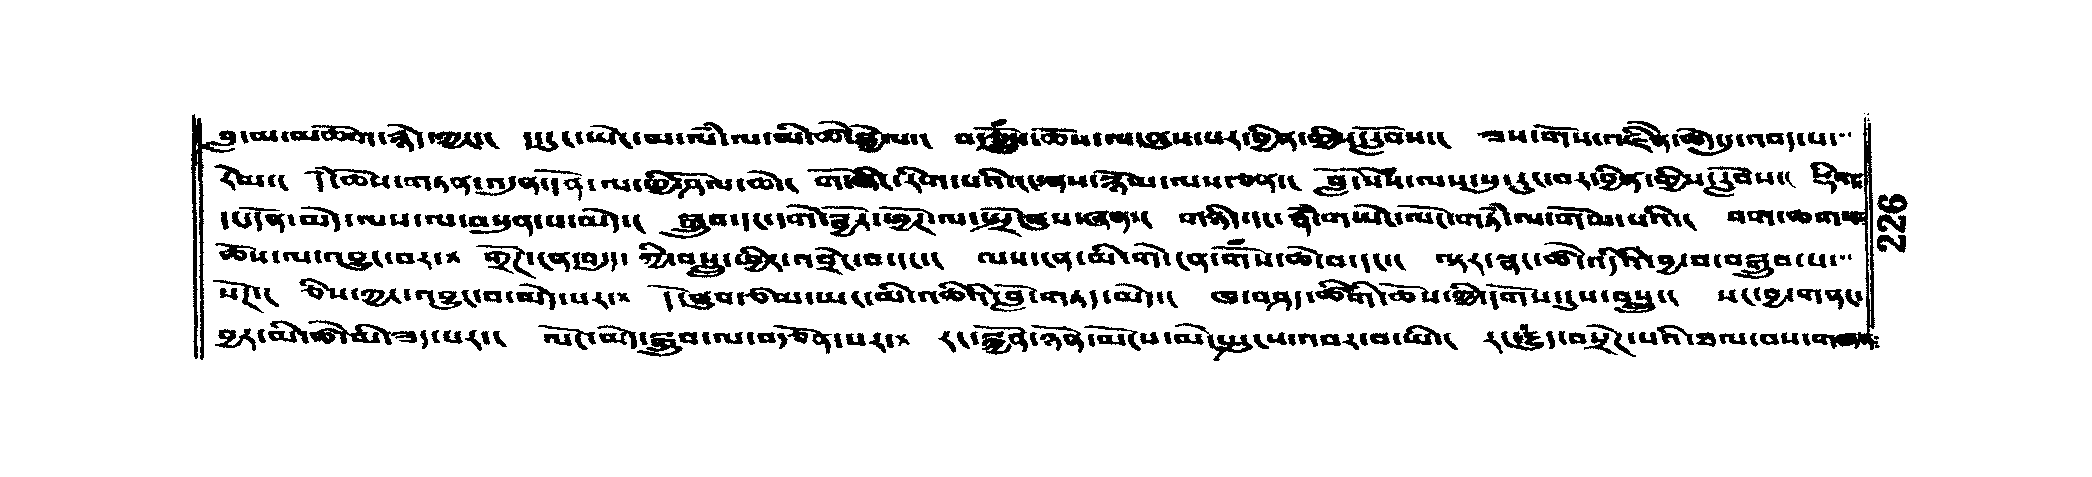བླ་མ་མཆོག་རྙེད་ཀྱང་། །ད་དུང་ཡེངས་མ་ལམ་ལ་མི་ཚེ་སྐྱེལ། །བརྩོན་འགྲུས་ཆོས་ལ་ནུས་པར་བྱིན་གྱི་རློབས། །ཟས་གོས་འཇིག་རྟེན་ཆེད་དུ་འབད་པ་
རེམ། །དམ་ཆོས་གཏན་འདུན་དོན་ལ་ཕྱི་ཤོལ་ཆེ། །གོ་ཞིང་རིག་པའི་ངང་ནས་སྙོམ་ལས་ཅན། །བློ་སེམས་ལས་སུ་རུང་བར་བྱིན་གྱིས་རློབས། །སྡིག་
དང་དོན་མེད་ལས་ལ་བསུན་པ་མེད། །སྒྲུབ་དང་དགེ་སྦྱོར་ཕྱོགས་ལ་སྤྲོ་ནུས་ཞན། །གཉིད་དང་རྣམ་གཡེང་ལོང་གཏམ་ལ་གོམས་པའི། །བག་ཆགས་
ཆོས་ལ་འབྱུང་བར༴ །གྲོགས་ངན་བདུད་ཀྱི་བསླུ་ཕྱིར་འབྲེང་བ་དང་། །ལས་ངན་མི་དགེ་ངན་གོམས་ཆེ་བ་དང་། །ལྟར་སྣང་ཚེ་འདིའི་བྱ་བ་བསྒྲུབ་པ་
སོགས། །ཅིས་ཀྱང་འབྱུང་བ་མེད་པར༴།དོ་ནུབ་ཙམ་ཡང་མི་འཆིའི་བློ་གཏད་མེད། །ཁ་བཤད་ཚིག་གི་ཆོས་ཀྱི་དགོས་དུས་བསླུ། །སང་བྱ་གནང་
བྱར་མི་ཚེ་མི་ཟད་པར། །ལོང་མེད་སྒྲུབ་ལ་བརྩོན་པར༴ །རང་སྐྱོན་ཉོན་མོངས་མེ་སྤུང་འབར་བ་ཡི། །རང་རྒྱུད་བསྲེགས་པའི་ཐལ་བས་གཞན་